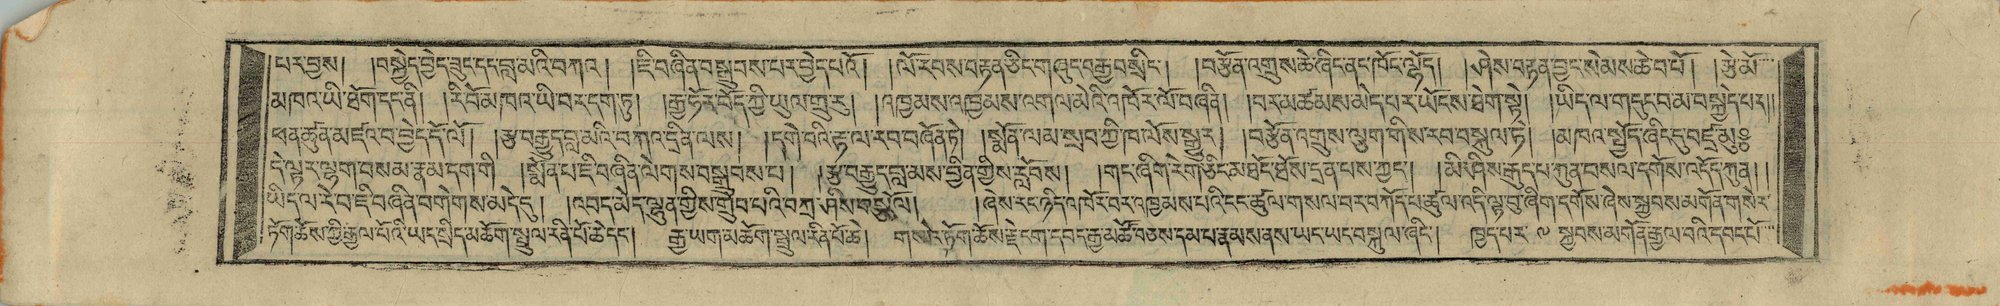པར་བྱས། །བསྐྱེད་བྱེད་ཟུང་དང་བླ་མའི་བཀའ། །ཇི་བཞིན་བསྒྲུབས་པར་བྱེད་པའོ། །ལོ་རབས་བརྟན་ཅིང་གཞུང་བརྒྱ་བསྲིང་། །བརྩོན་འགྲུས་ཆེ་ཞིང་ནང་ཁོང་ལྷོད། །ཤེས་བརྟན་བྱང་སེམས་ཆེ་བ་པོ། །རྩེ་མོ་
མཁའ་ཡི་ཐོག་དང་ནི། །རི་བོ་མཁའ་ཡི་བར་དག་ཏུ། །རྒྱ་ཧོར་བོད་ཀྱི་ཡུལ་གྲུ་རུ། །འཁྱམས་འཁྱམས་འགལ་མེའི་འཁོར་ལོ་བཞིན། །བར་མཚམས་མེད་པར་ཡོངས་ཐེག་སྟེ། །ཡིད་ལ་གདུང་བ་མ་བསྐྱེད་པར། །
ཕན་ཚུན་མཛའ་བ་བྱེད་དོ་ལོ། །རྩ་བརྒྱུད་བླ་མའི་བཀའ་དྲིན་ལས། །དགེ་བའི་རྟ་ལ་རབ་བཞོན་ཏེ། །སྨོན་ལམ་སྲབ་ཀྱི་ཁ་ལོས་སྒྱུར། །བརྩོན་འགྲུས་ལྕག་གིས་རབ་བསྐུལ་ཏེ། །མཁའ་སྤྱོད་ཞིང་དུ་བཛྲ་མུཿ
དེ་ལྟར་ལྷག་བསམ་རྣམ་དག་གི །སྨོན་པ་ཇི་བཞིན་ལེགས་བསྒྲུབས་པ། །རྩ་བརྒྱུད་བླ་མས་བྱིན་གྱིས་རློབས། །གང་ཞིག་རེག་ཅིང་མཐོང་ཐོས་དྲན་པས་ཀྱང་། །མི་ཤིས་རྒུད་པ་ཀུན་བསལ་དགོས་འདོད་ཀུན། །
ཡིད་ལ་རེ་བ་ཇི་བཞིན་བགེགས་མེད་དུ། །འབད་མེད་ལྷུན་གྱིས་གྲུབ་པའི་བཀྲ་ཤིས་བསྩོལ། །ཞེས་རང་ཉིད་འཁོར་བར་འཁྱམས་པའི་ངང་ཚུལ་གསལ་བར་བཀོད་པ་ཚུལ་འདི་ལྟ་བུ་ཞིག་དགོས་ཞེས་སྐྱབས་མགོན་གསེར་
ཏོག་ཆོས་ཀྱི་རྒྱལ་པོའི་ཡང་སྲིད་མཆོག་སྤྲུལ་རིན་པོ་ཆེ་དང་། རྒྱ་ཡག་མཆོག་སྤྲུལ་རིན་པོ་ཆེ། གསེར་ཏོག་ཆོས་རྗེ་ངག་དབང་རྒྱ་མཚོ་བཅས་དམ་པ་རྣམས་ནས་ཡང་ཡང་བསྐུལ་ཞིང་། ཁྱད་པར་༧་སྐྱབས་མགོན་རྒྱལ་བའི་དབང་པོ་